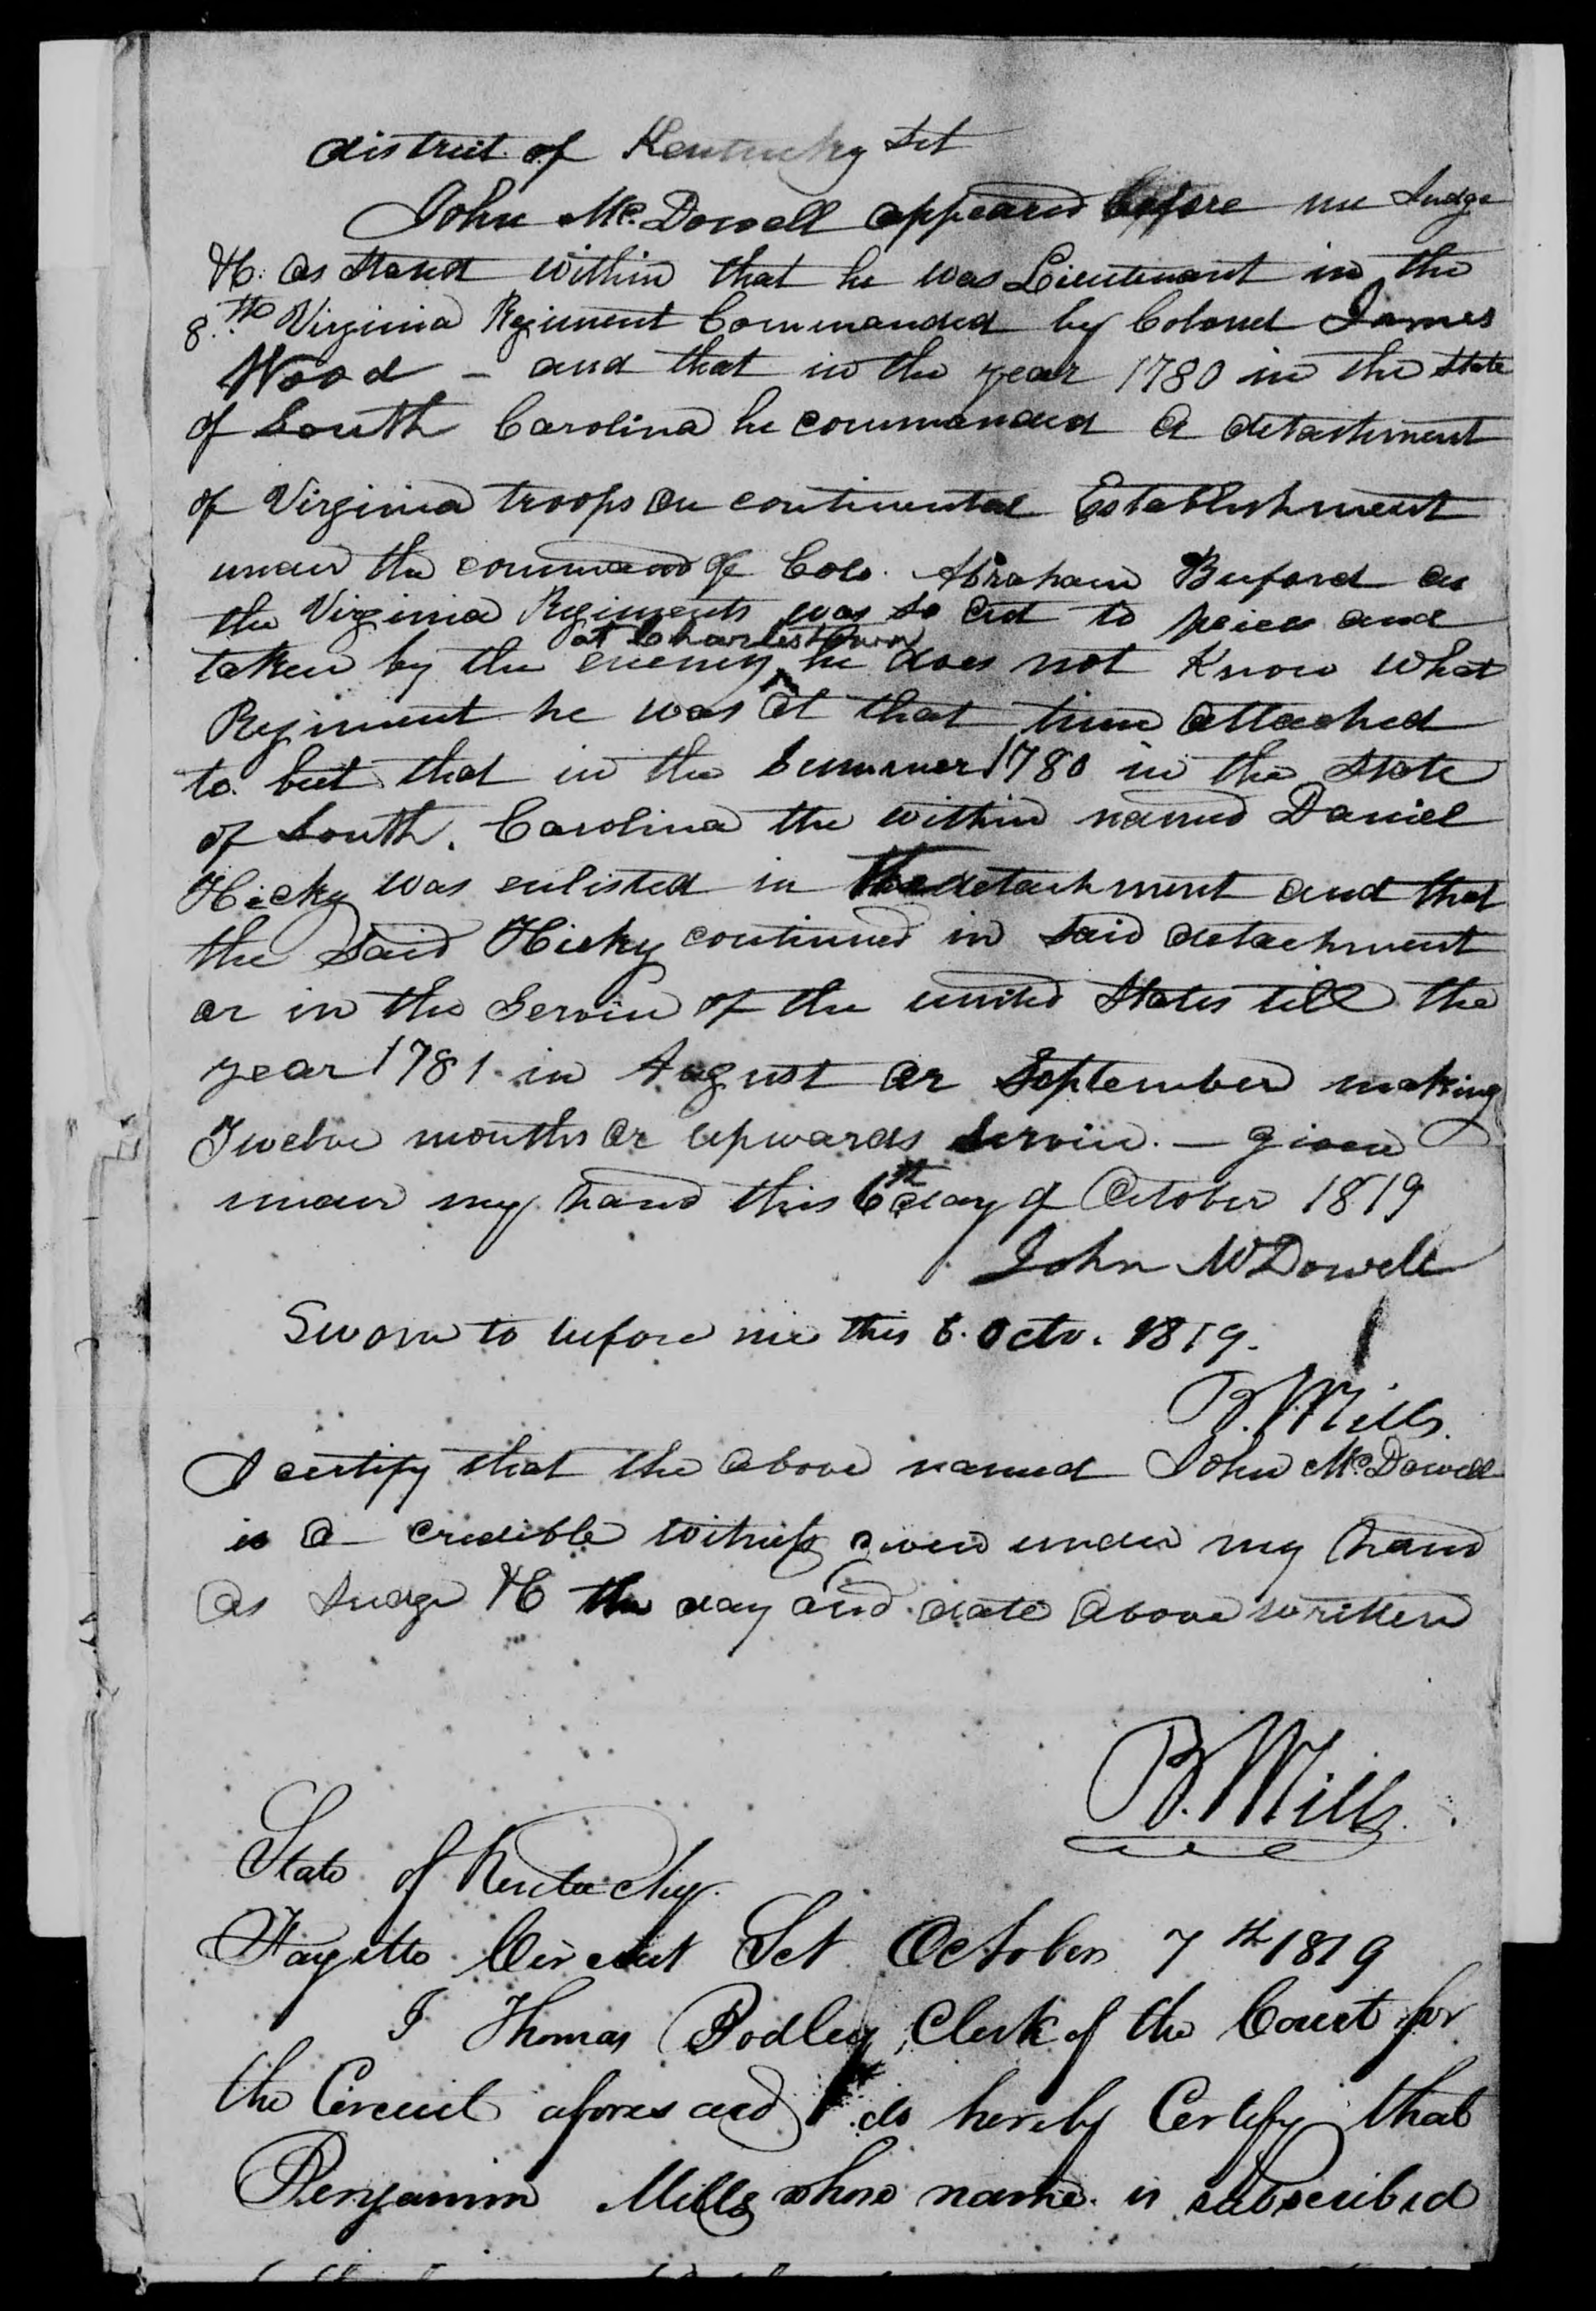district of Kentucky  set
John McDowell appeared before me Judge &c [etc.] as stated within that he was Lieutenant in the 8th Virginia Regiment Commanded by Colonel James Wood and that in the year 1780 in the state of South Carolina he commanded a detachment of Virginia troops on continual Establishment under the command of Colo Abraham Buford as the Virginia Regiments was so [illegible] to pieces and taken by the enemy At Charlestown he does knot know what Regiment he was at that time attached to but that in the Summer of 1780 in the state of South Carolina the within named Daniel Hicky was enlisted in the detachment and that the said Hicky continued in said detachment or in the Service of the United Stated till the year 1781 in August or September making Twelve months or upwards Service--given under my hand this 6th day of October 1819
John Mc Dowell
Sworn to before me this 6 Oct 1819
                                   B Wills [Mills?]
I certify that the above named John Mc Dowell is a credible witness given under my hand as Judge &C this day and date above written
B Wills  [Mills?]
State of Kentucky
Fayette Circuit Set October 7th 1819
I Thomas Bodley, Clerk of the Court for the Circuit aforesaid do hereby Certify that Benjamin Mills whose name is subscribed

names: John Mc Dowell, John Mc Dowell, Benjamin Mills, Thomas Bodley, James Wood, John Mc Dowell, Abraham Buford, Hicky, B S Wills, Daniel Hicky, B S Wills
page: 53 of 84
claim: widow's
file: W. 7744, Daniel Hickey, Penn.